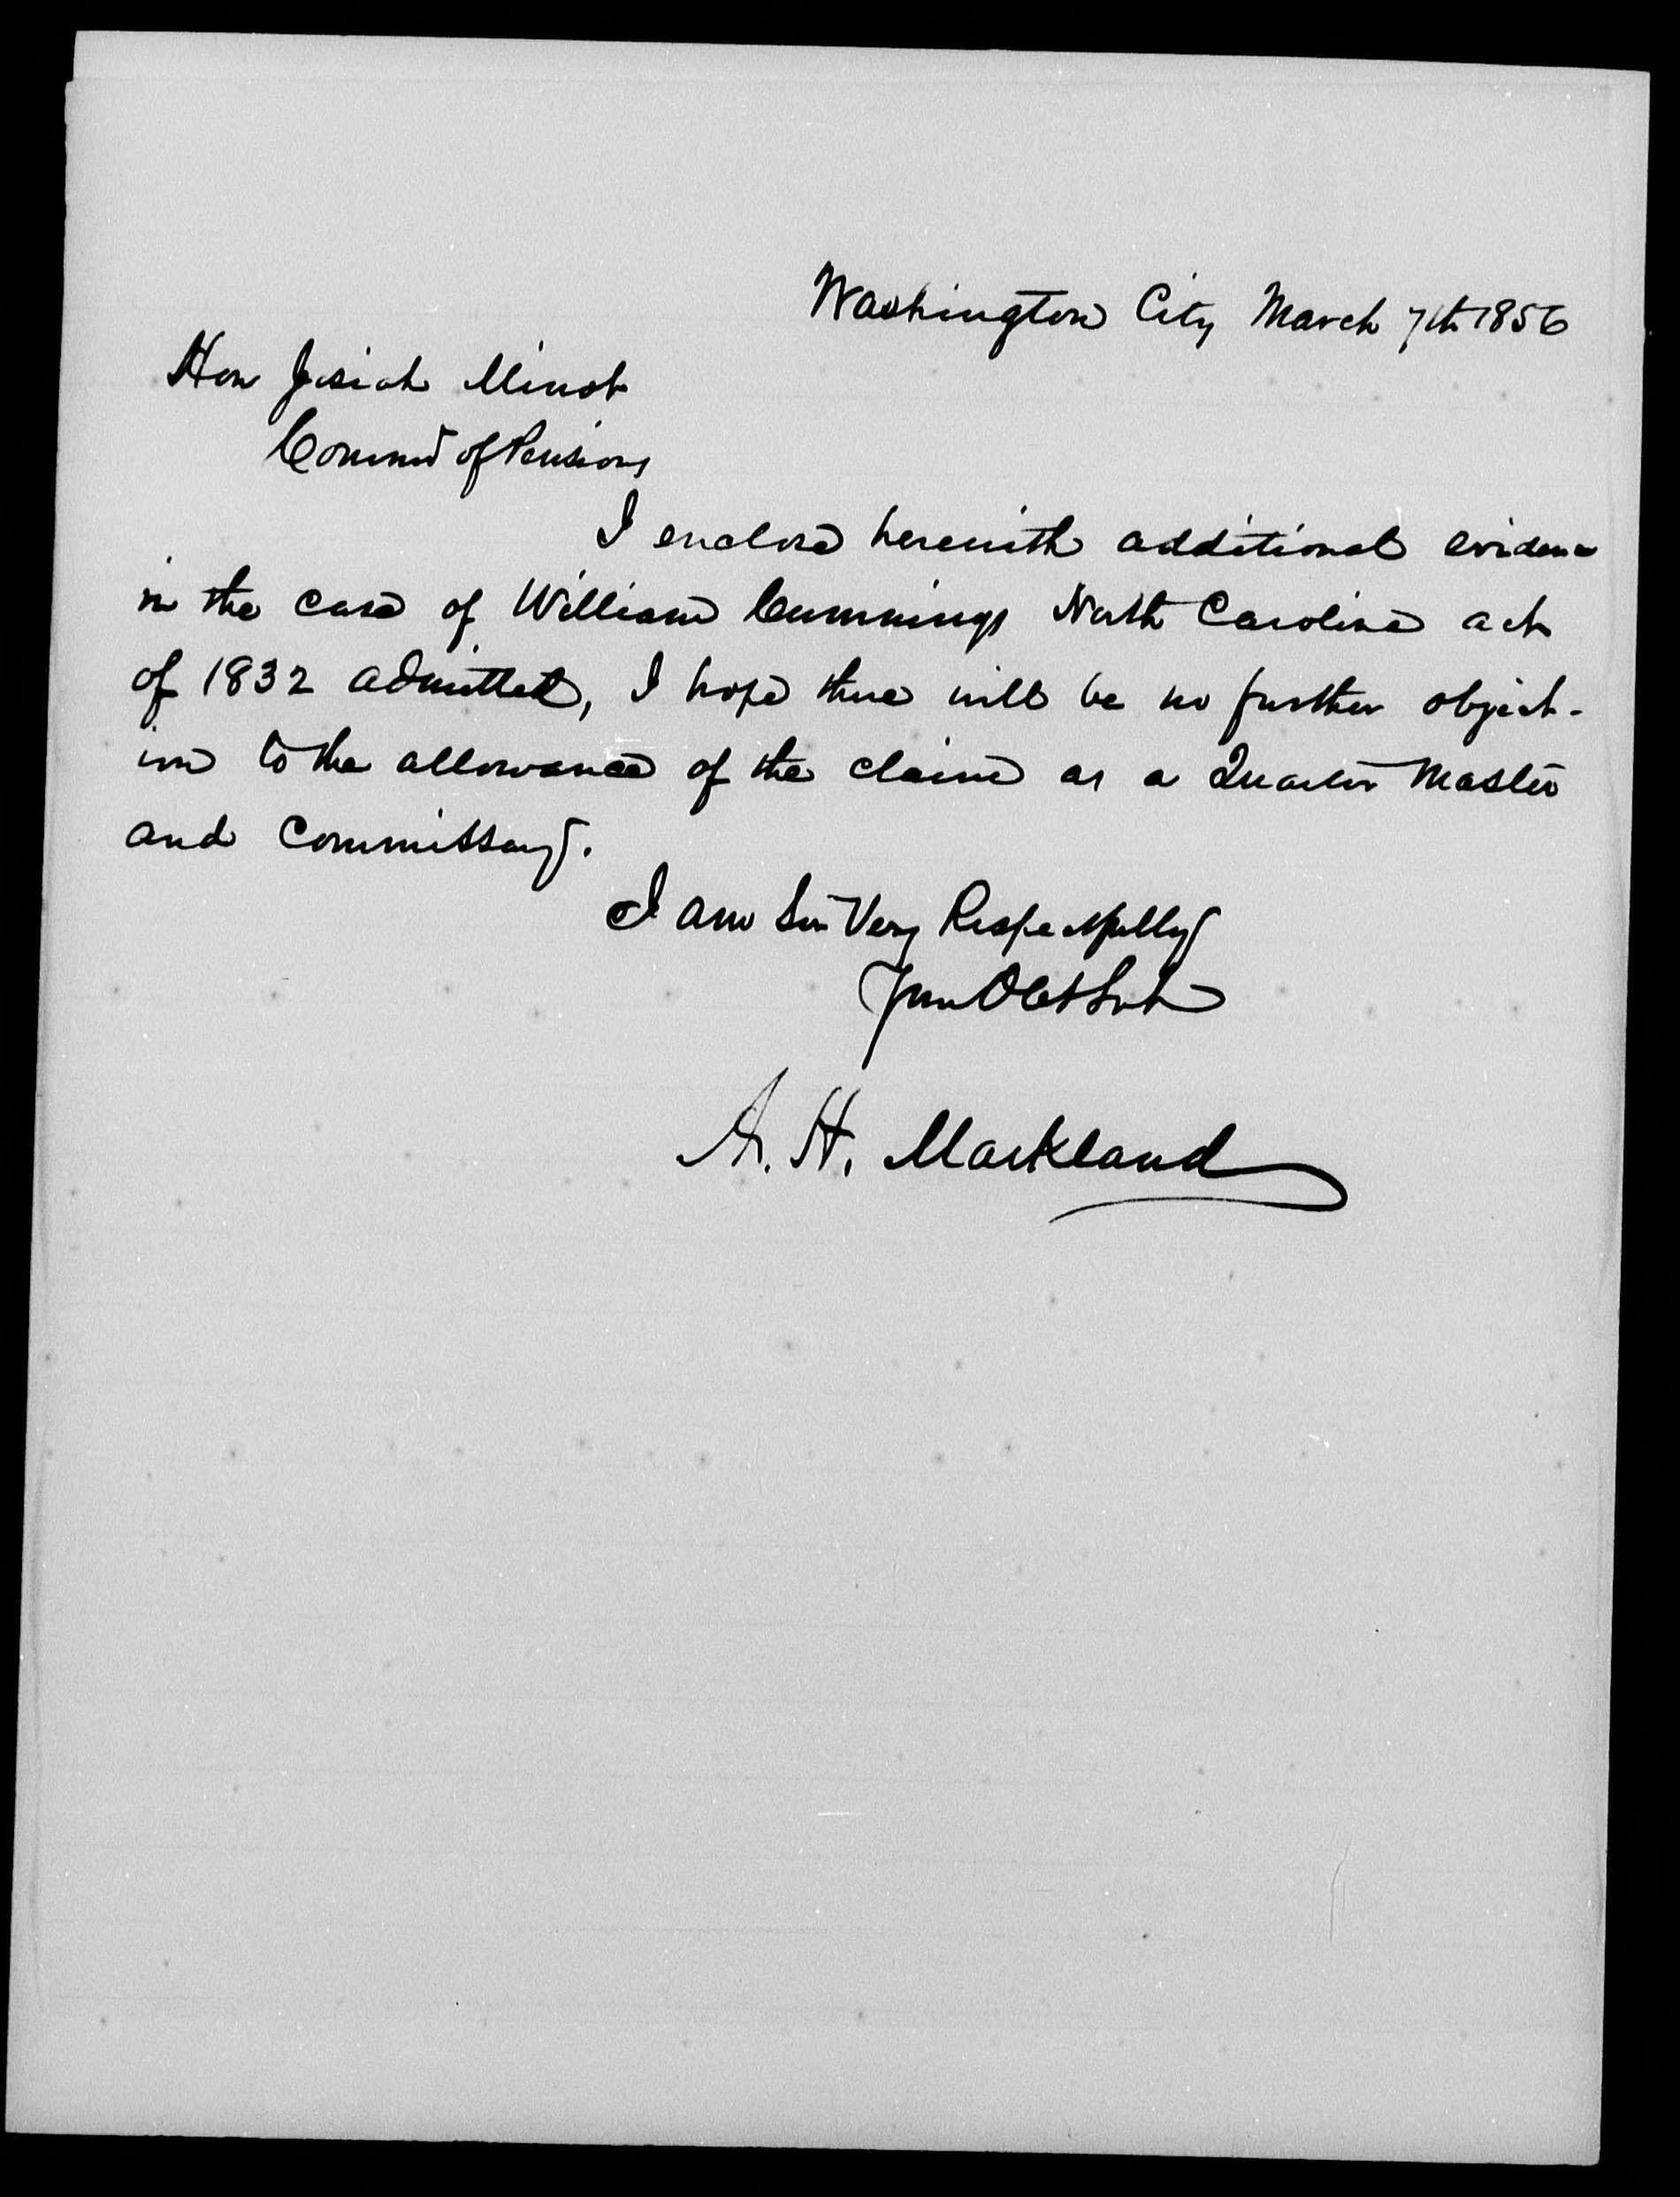[Handwritten letter]

Washington City  March 7th 1856

Hon Josiah Minot
[Illegible first word, possible meaning:] Commissioner of Pensions

I enclose herewith additional evidence in the case of William Cummings North Carolina act of 1832 admitted, I hope there will be no further objections to the allowance of the claim as a Quarter Master and Commissary.

I am Sir Very Respectfully
YourObtSvt [Your Obedient Servant]

A. H. Markland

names: A H Markland, William Cummings, Josiah Minot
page: 30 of 145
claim: survivor's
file: S. 8265, William Cumming, N.C.